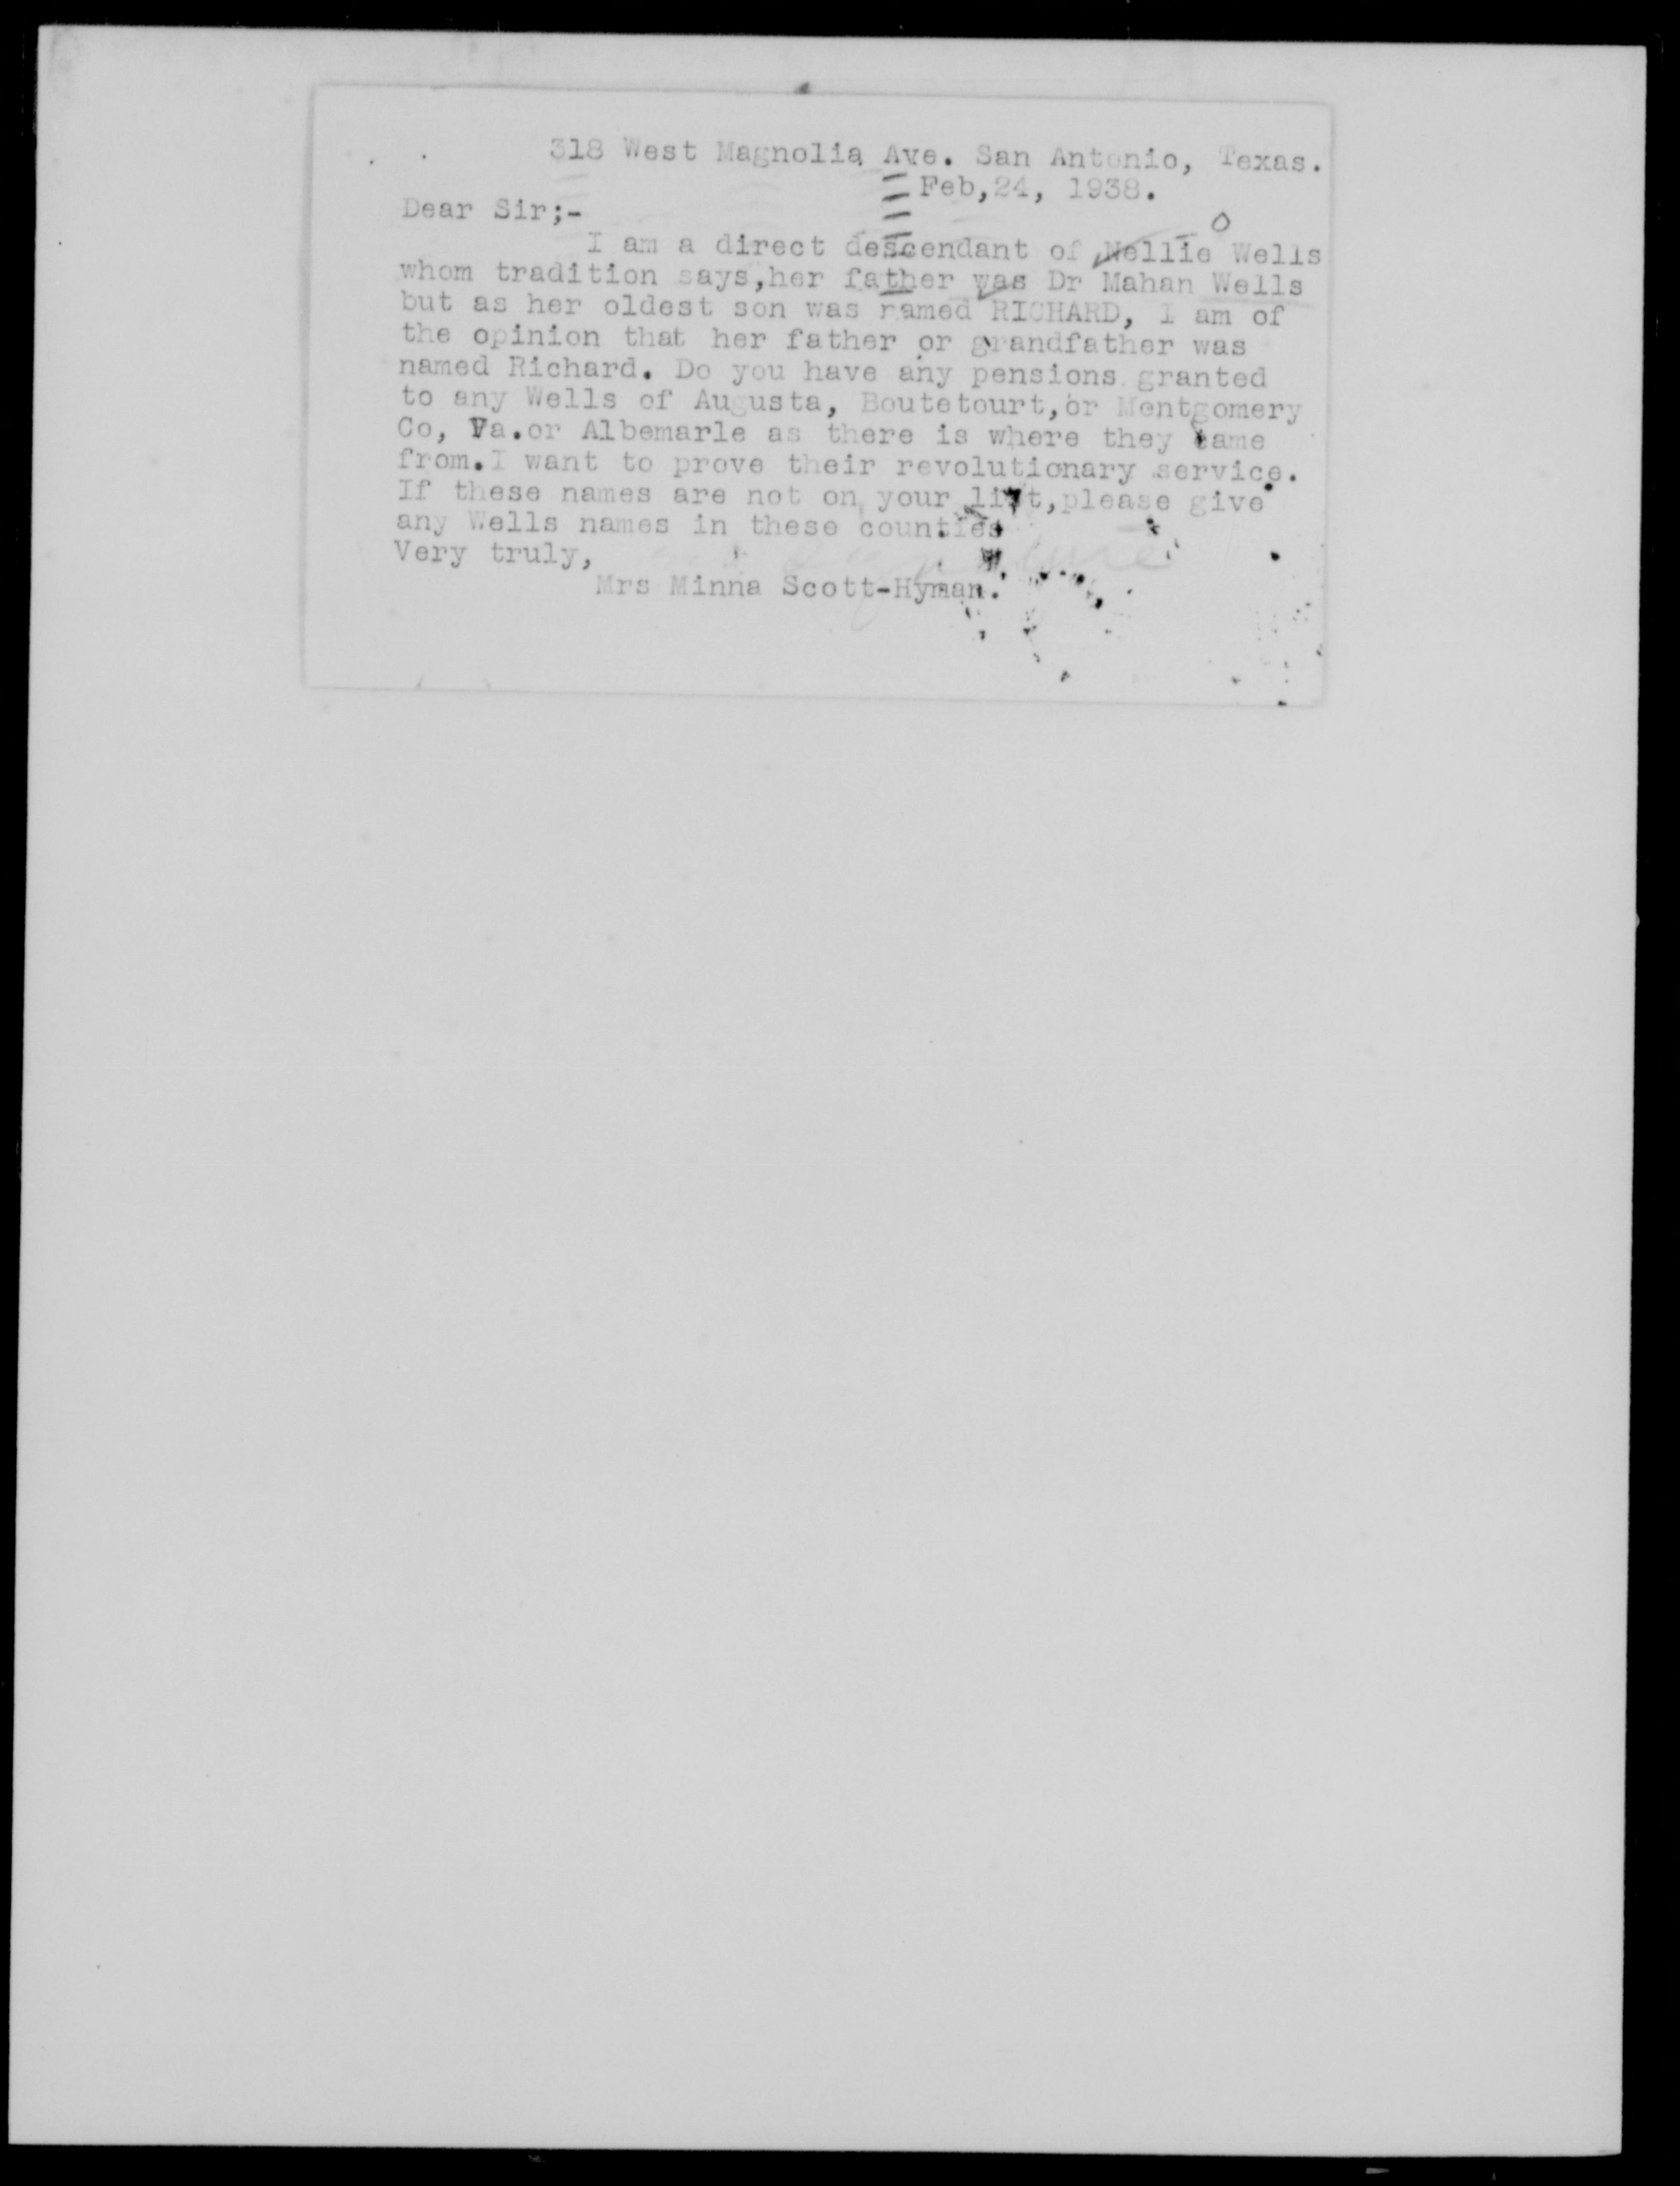318 West Magnolia Ave. San Antonio, Texas.
Feb, 24, 1938.

Dear Sir; -
I am a direct descendant of Nellie Wells
whom tradition says, her father was Dr Mahan Wells,
but as her oldest son was named RICHARD, I am of
the opinion that her father or grandfather was
named Richard. Do you have any pensions granted
to any Wells of Augusta, Botetourt, or Montgomery
Co, Va. or Albemarle as there is where they came
from, I want to prove their revolutionary service.
If these names are not on your list, please give
any Wells names in these counties
Very truly,
Mrs Minna Scott Hyman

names: Nellie Wells, Richard, Minna Scott-Hyman, Mahan Wells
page: 90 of 100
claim: widow's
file: W. 6437, Richard Wells, Ga Va.